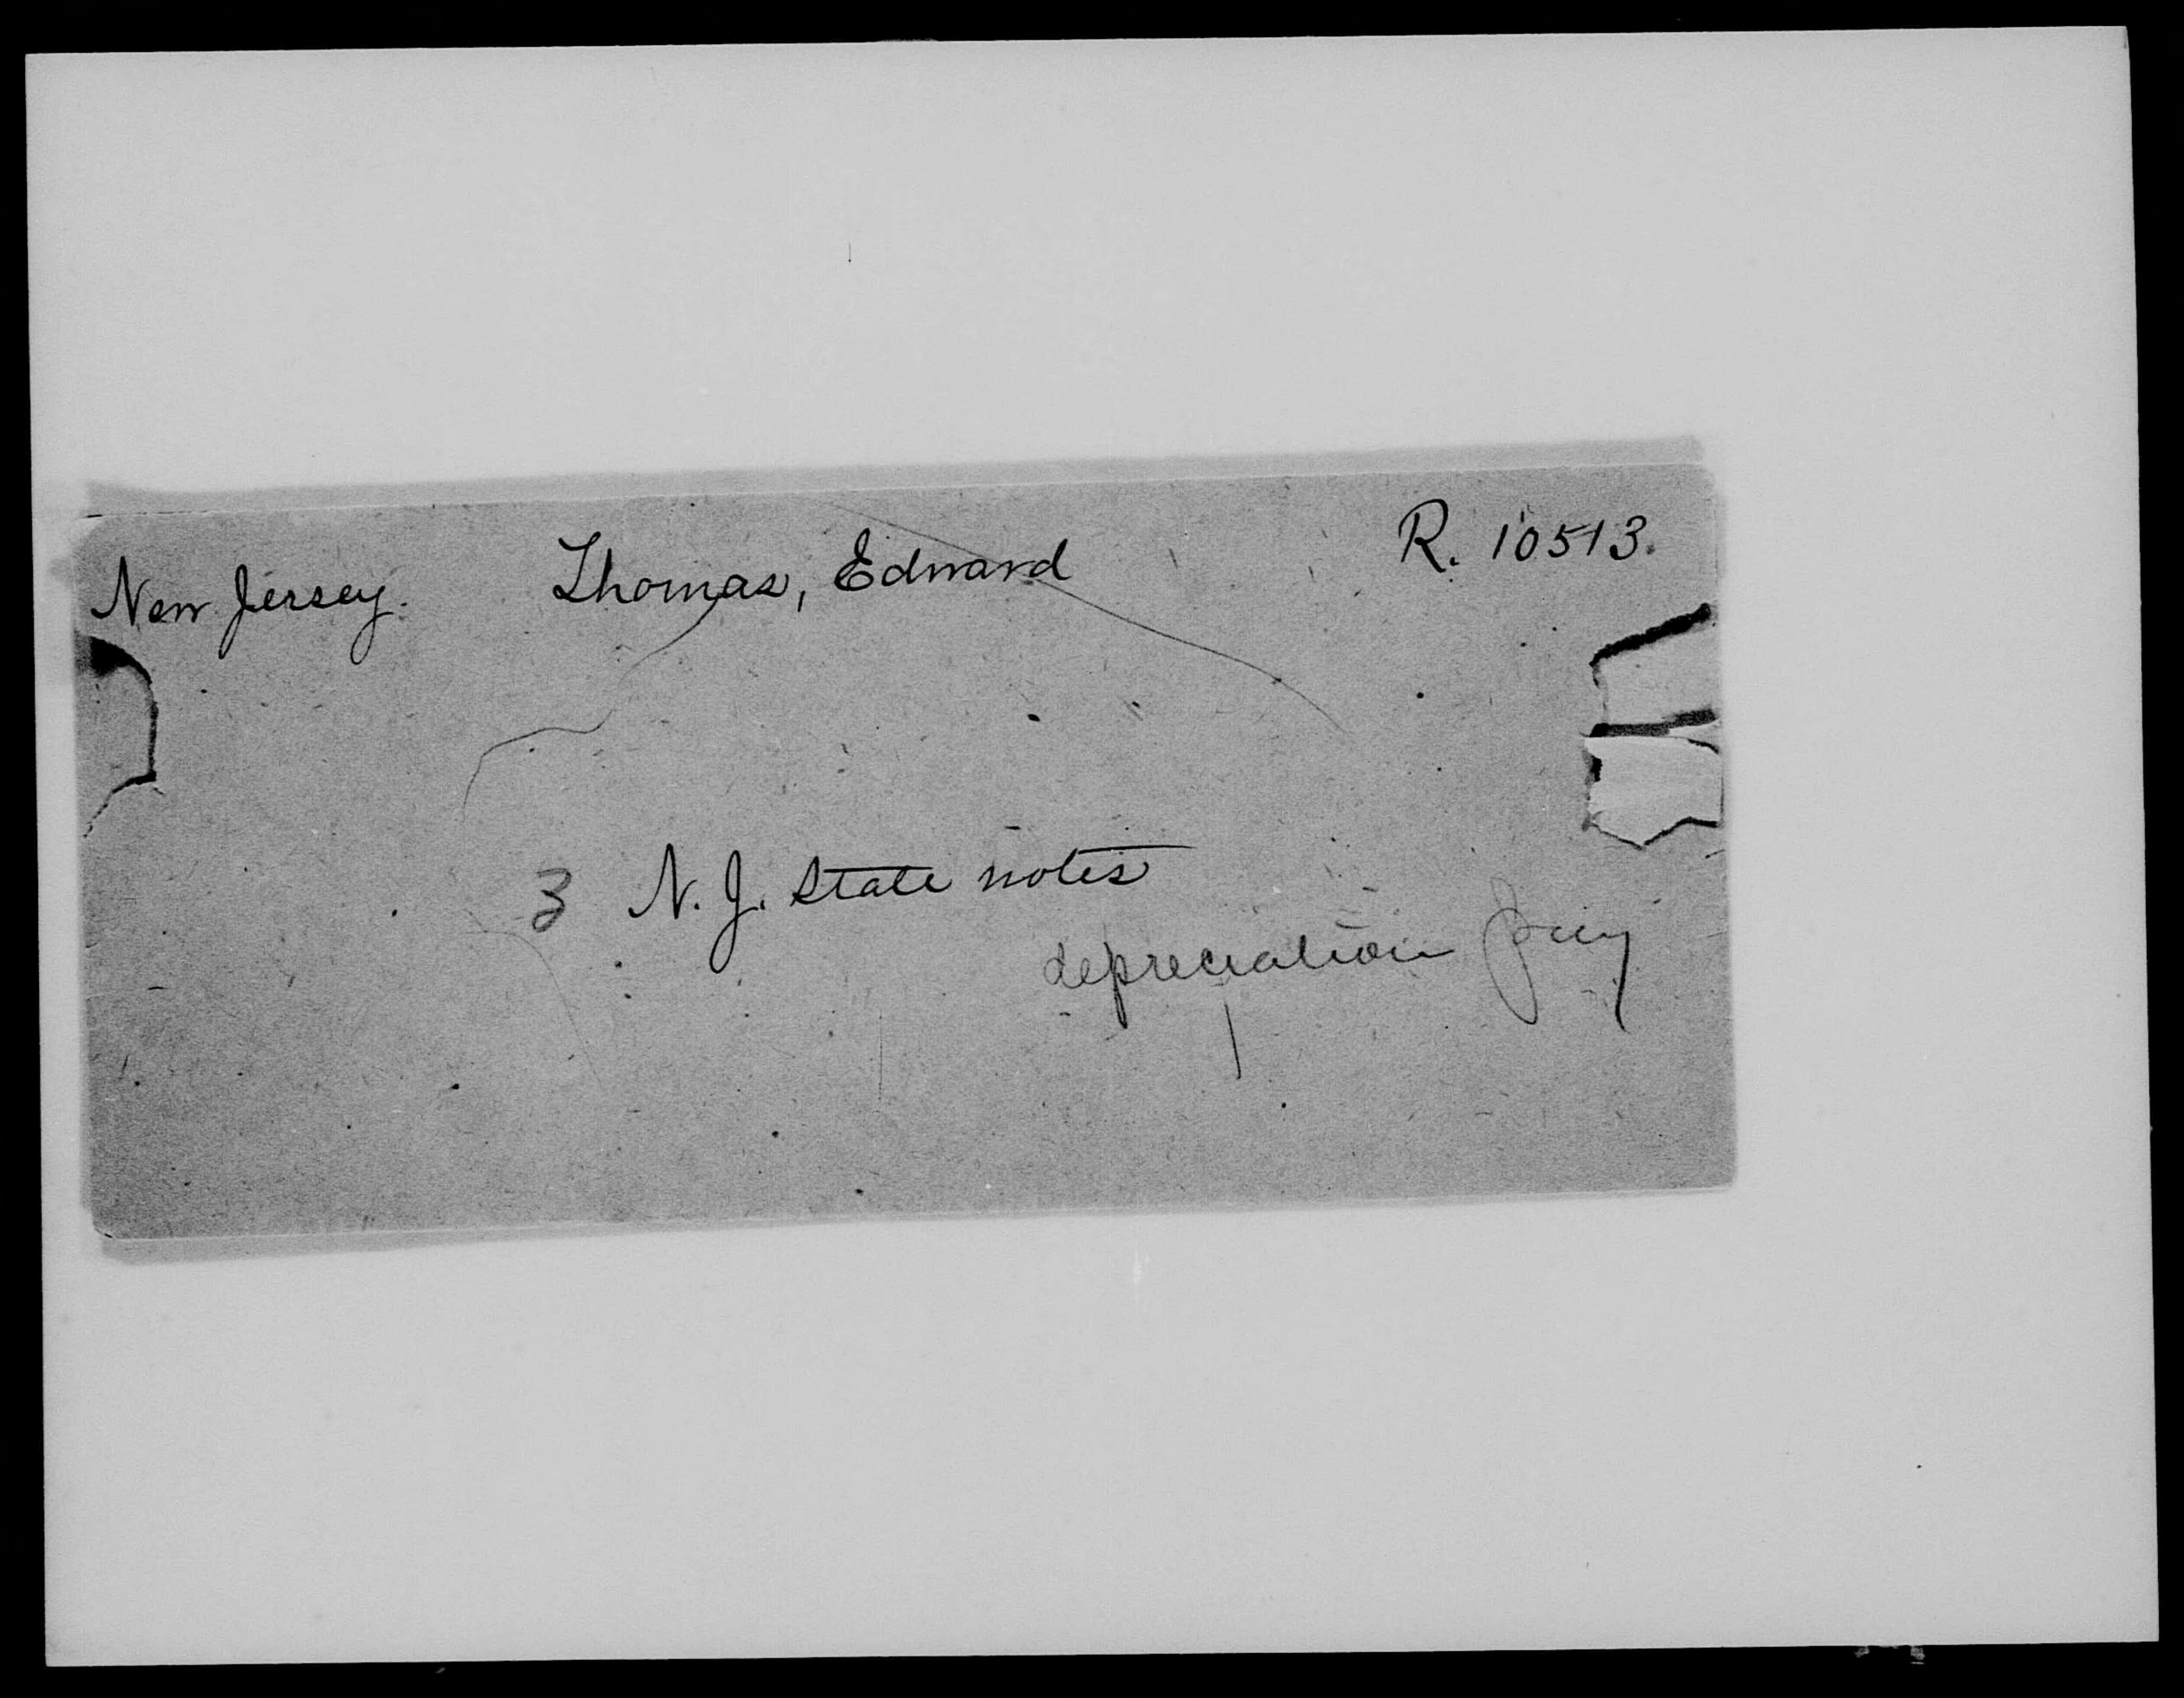New Jersey
Thomas, Edward
R. 10513
3 N.J. State notes
Depreciation pay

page: 19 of 25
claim: rejected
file: R. 10513, for Edward Thomas, New Jersey